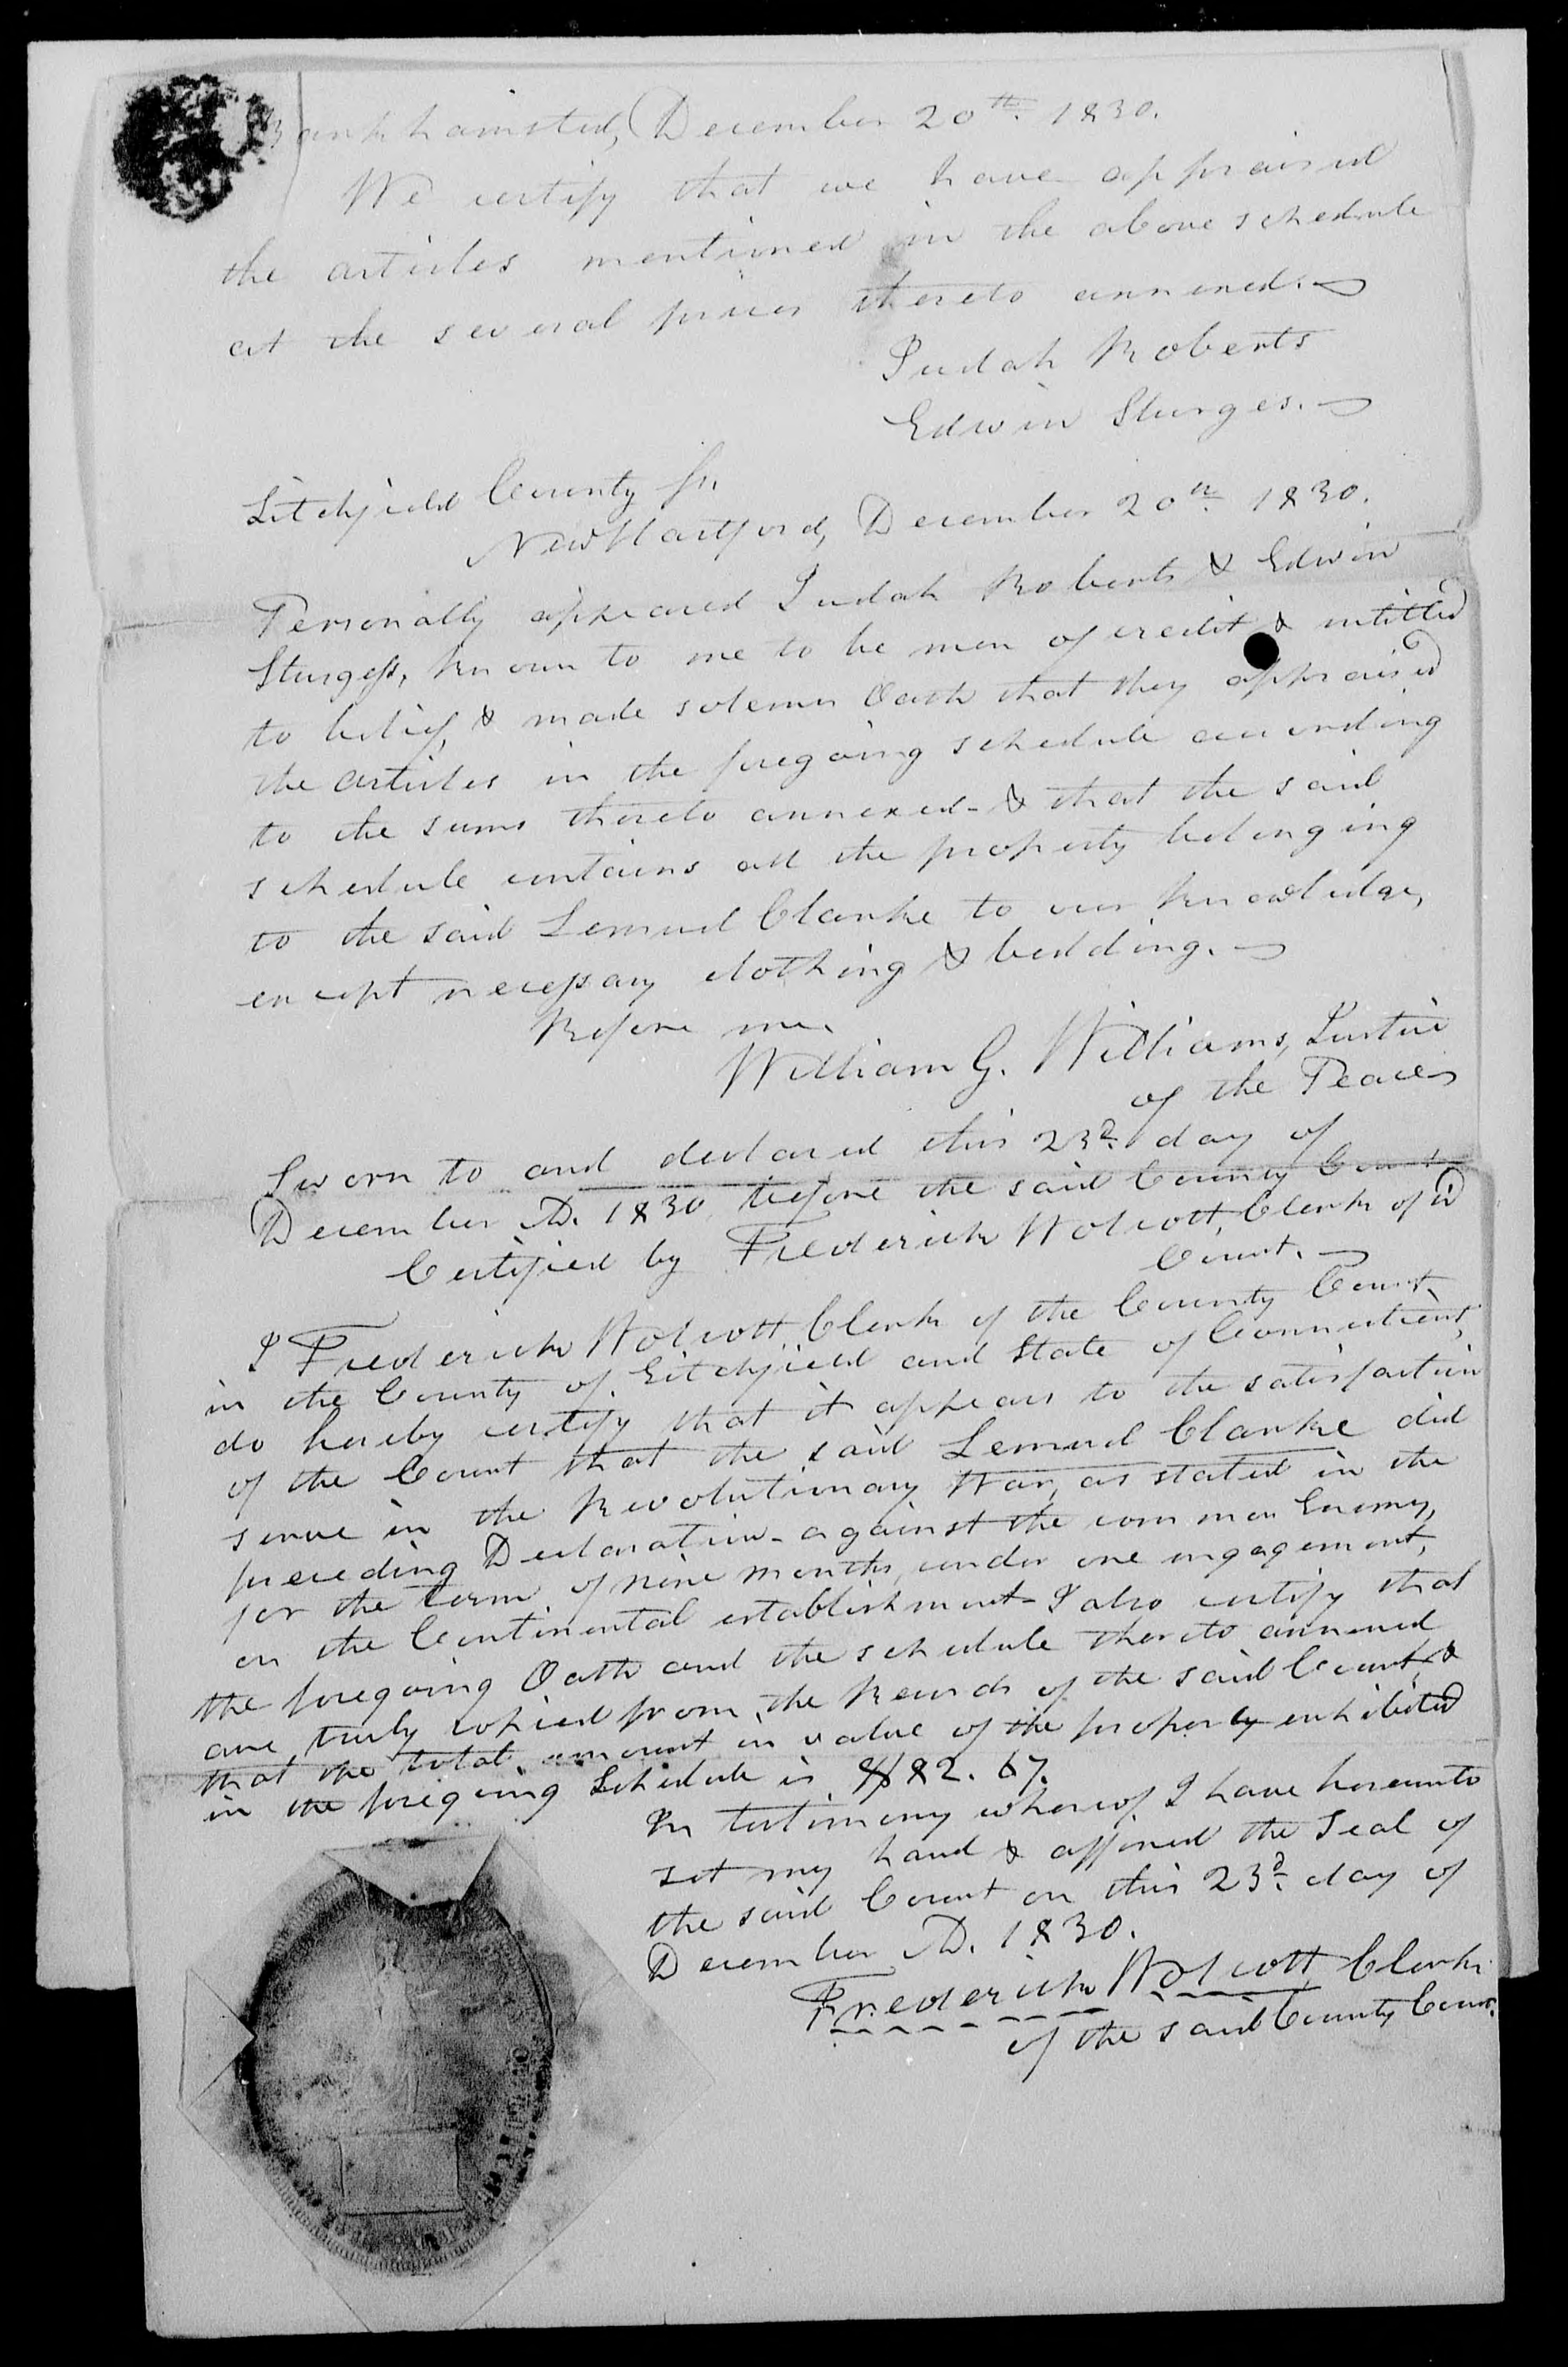Barkhamsted December 20th 1830. 

We certify that we have appraised the articles mentioned in the above Schedule at the several papers thereto annexed 
Judah Roberts 
Edwin Sturges 

Litchfield County New Hartford, December 20th 1820 
Personally appeared Judah Roberts & Edwin Sturgess, known to me to be men of credit & entitled to belief & made solemn oath that they appraised the articles in the foregoing schedule according to the sums thereto annexed & that the said schedule contains all the property belonging to the said Lemuel Clarke to our knowledge except necessary clothing & bedding.- Before me William G. Williams, Justin of the Peace 

Sworn to and declared this 23d day of December 1830 before the said County Certified by Frederick Wolcott Clerk of sd County Court 

I Frederkc, Wolcott of the County Court in the County of Litchfield and State of Connecticut do hereby certify that it appears to the satisfaction of the Court that the said Lemuel Clarke did serve in the Revolutionary War as stated in the preceding declaration against the common Enemy for the term of nine months, under one engagement in the Continental establishment. I also certify that the foregoing oath and the schedule thereto annexed are truly copied from the records of the said Count & that the total amount in value of the property exhibited the foregoing Schedule is $82.67 

In testimony whereof I set my hand & affixed the Seal of the said Court on this 23 day of December A D. 1830 - 
Frederick Wolcott Clark of the said County Court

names: Lemuel Clarke, Edwin Sturgess, Frederick Wolcott, Lemuel Clarke, William G Williams, Judah Roberts, Edwin Sturgess, Judah Roberts, Friderick Wolcott, Frederick Wolcott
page: 45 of 48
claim: survivor's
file: S. 17343, Lemuel Clarke, Mass.